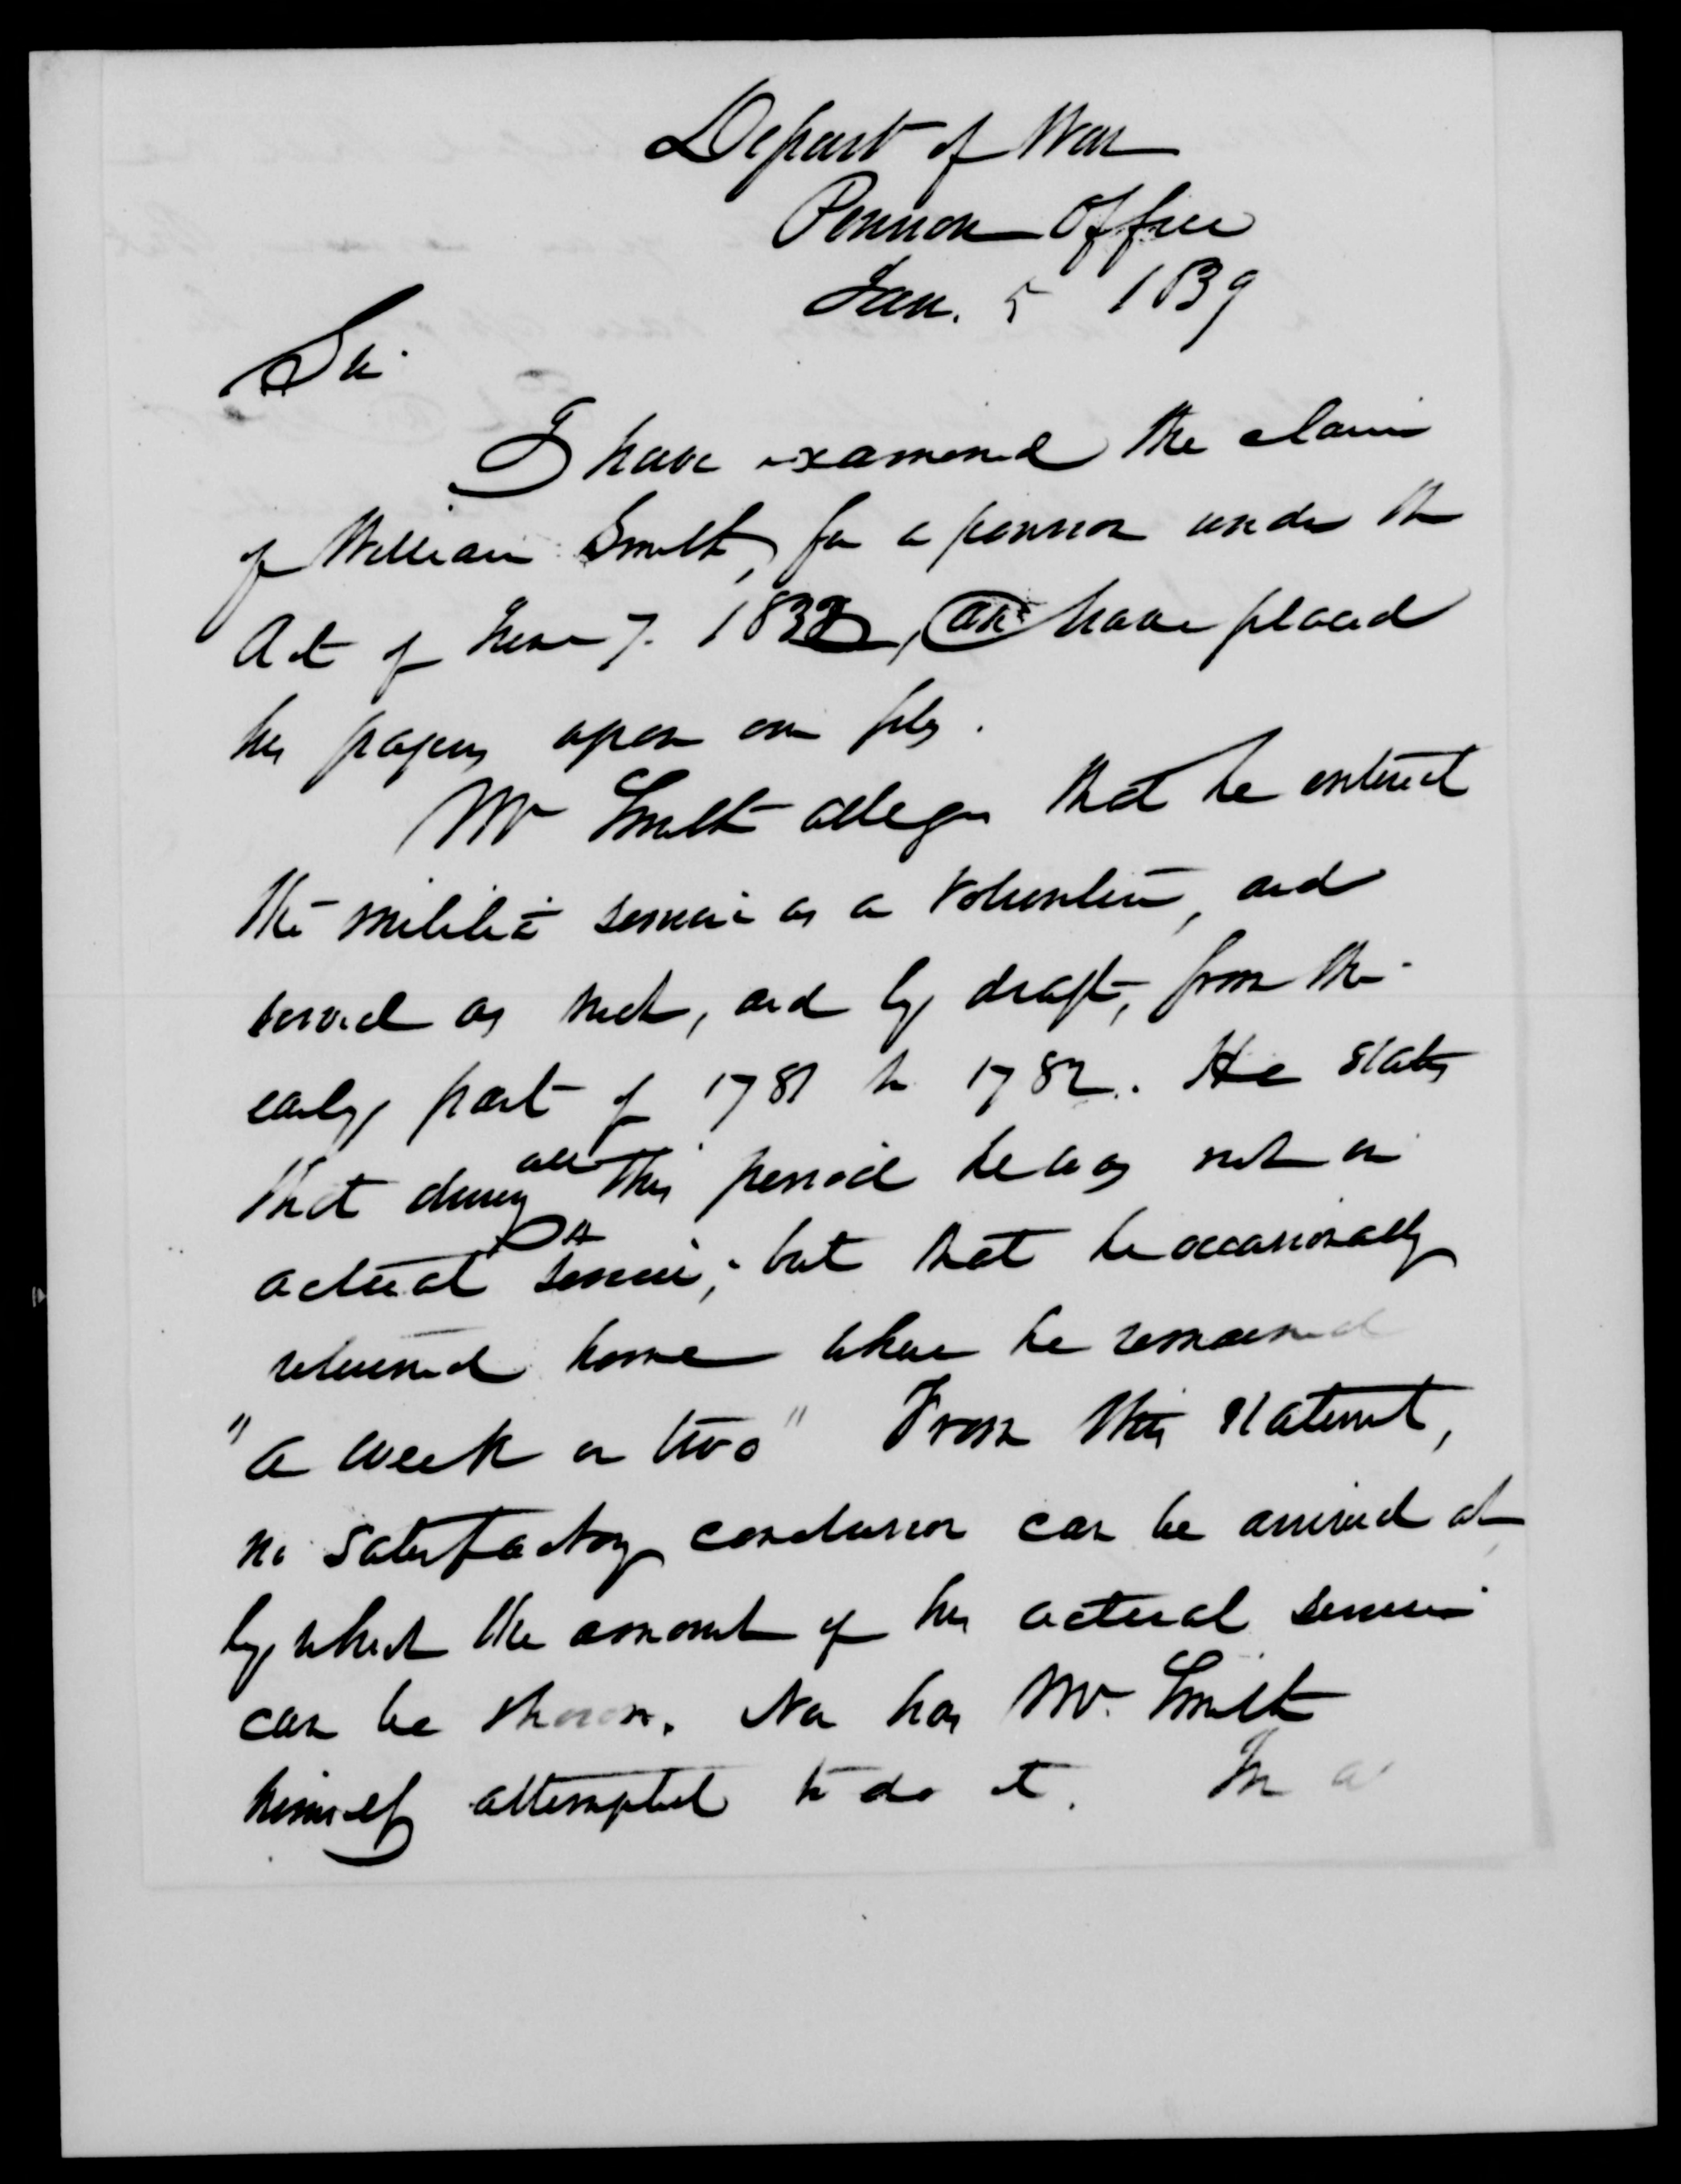Depart of War
Pension Office
Jan. 5 1839

Sir

I have examined the claim of William Smith for a pension under the Act of June 7, 1832, and have placed his papers upon our files.

Mr Smith allege that he entered the militia service as a volunteer, and served as such, and by draft, from the early part of 1781 to 1782. He states that during all this period he was not in actual service but that he occasionally returned home where he remained "a week or two" From this statement, no satisfactory conclusion can be arrived at by which the amount of his actual service can be shown. Nor has Mr. Smith himself attempted to do it.  In a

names: William Smith; [BLANK] Smith; [BLANK] Smith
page: 19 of 21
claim: rejected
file: R. 9875, for William Smith, South Carolina